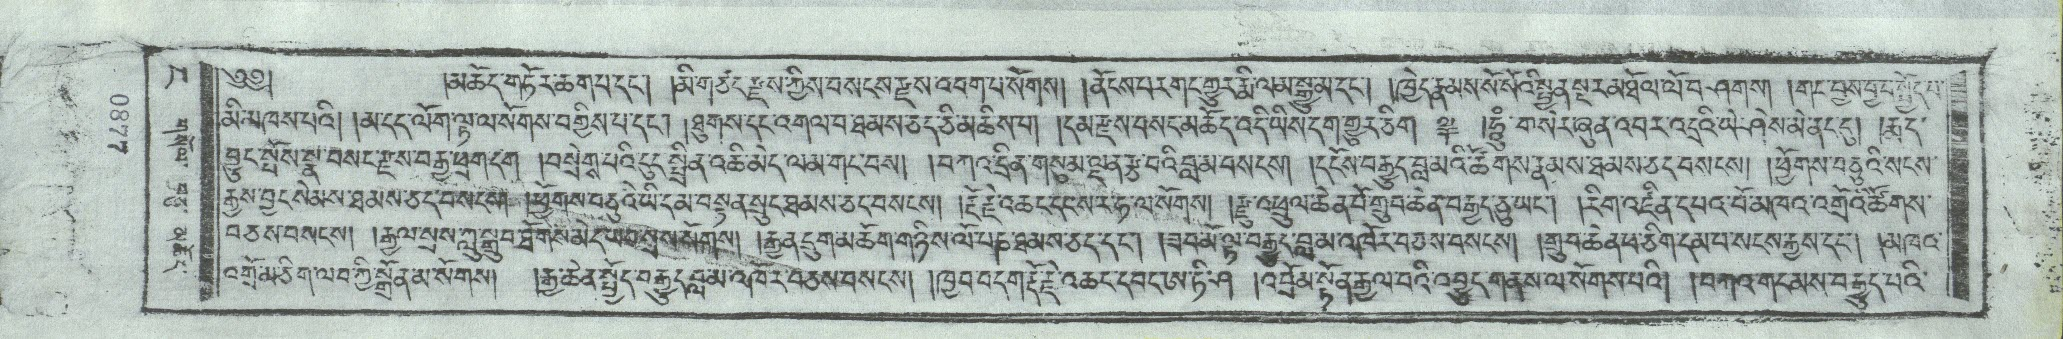༄༅། །མཆོད་གཏོར་ཆག་པ་དང་།མི་གཙང་རྫས་ཀྱིས་བསངས་རྫས་འབག་པ་སོགས། །ནོངས་པར་གང་གྱུར་རྨི་ལམ་སྒྱུ་མ་དང་། །ཁྱེད་རྣམས་སོ་སོའི་སྤྱན་སྔར་མཐོལ་ལོ་བཤགས། །གང་བྱས་བྱ་བ་སྤྱོད་པ་
མི་མཁས་པའི། །མ་དད་ལོག་ལྟ་ལ་སོགས་བགྱིས་པ་དང་། །ཐུགས་དང་འགལ་བ་ཐམས་ཅད་ཅི་མཆིས་པ། །དམ་རྫས་བསང་མཆོད་འདི་ཡིས་དག་གྱུར་ཅིག ༈ །ཧཱུཾ་གསེར་ཞུན་འབར་འདྲའི་ཡེ་ཤེས་མེ་ནང་དུ། །རྨད་
བྱུང་སྤོས་སྣ་བསང་རྫས་བརྒྱ་ཕྲག་དག །བསྲེགས་པའི་དུང་སྤྲིན་འཆི་མེད་ལམ་གང་བས། །བཀའ་དྲིན་གསུམ་ལྡན་རྩ་བའི་བླ་མ་བསངས། །དངོས་བརྒྱུད་བླ་མའི་ཚོགས་རྣམས་ཐམས་ཅད་བསངས། །ཕྱོགས་བཅུའི་སངས་
རྒྱས་བྱང་སེམས་ཐམས་ཅད་བསངས། །ཕྱོགས་བཅུའི་ཡིད་མ་བསྟན་སྲུང་ཐམས་ཅད་བསངས། །རྡོ་རྗེ་འཆང་དང་སར་ཧ་ལ་སོགས། །རྫུ་འཕྲུལ་ཆེན་པོ་གྲུབ་ཆེན་བརྒྱད་ཅུ་ཡང་། །རིག་འཛིན་དཔའ་བོ་མཁའ་འགྲོའི་ཚོགས་
བཅས་བསངས། །རྒྱལ་སྲས་ཀླུ་སྒྲུབ་ཐོགས་མེད་ཡབ་སྲས་སོགས། །རྒྱན་དྲུག་མཆོག་གཉིས་ལོ་པཎ་ཐམས་ཅད་དང་། །ཟབ་མོ་ལྟ་བརྒྱུད་བླ་མ་འཁོར་བཅས་བསངས། །གྲུབ་ཆེན་ཕ་ཅིག་དམ་པ་སངས་རྒྱས་དང་། །མཁའ་
འགྲོ་མ་ཅིག་ཀྱི་སྒྲོན་མ་སོགས། །རྒྱ་ཆེན་སྤྱོད་བརྒྱུད་བླ་མ་འཁོར་བཅས་བསངས། །ཁྱབ་བདག་རྡོ་རྗེ་འཆང་དབང་ཨ་ཏི་ཤ་།འབྲོམ་སྟོན་རྒྱལ་བའི་འབྱུང་གནས་ལ་སོགས་པའི། །བཀའ་གདམས་བརྒྱུད་པའི་